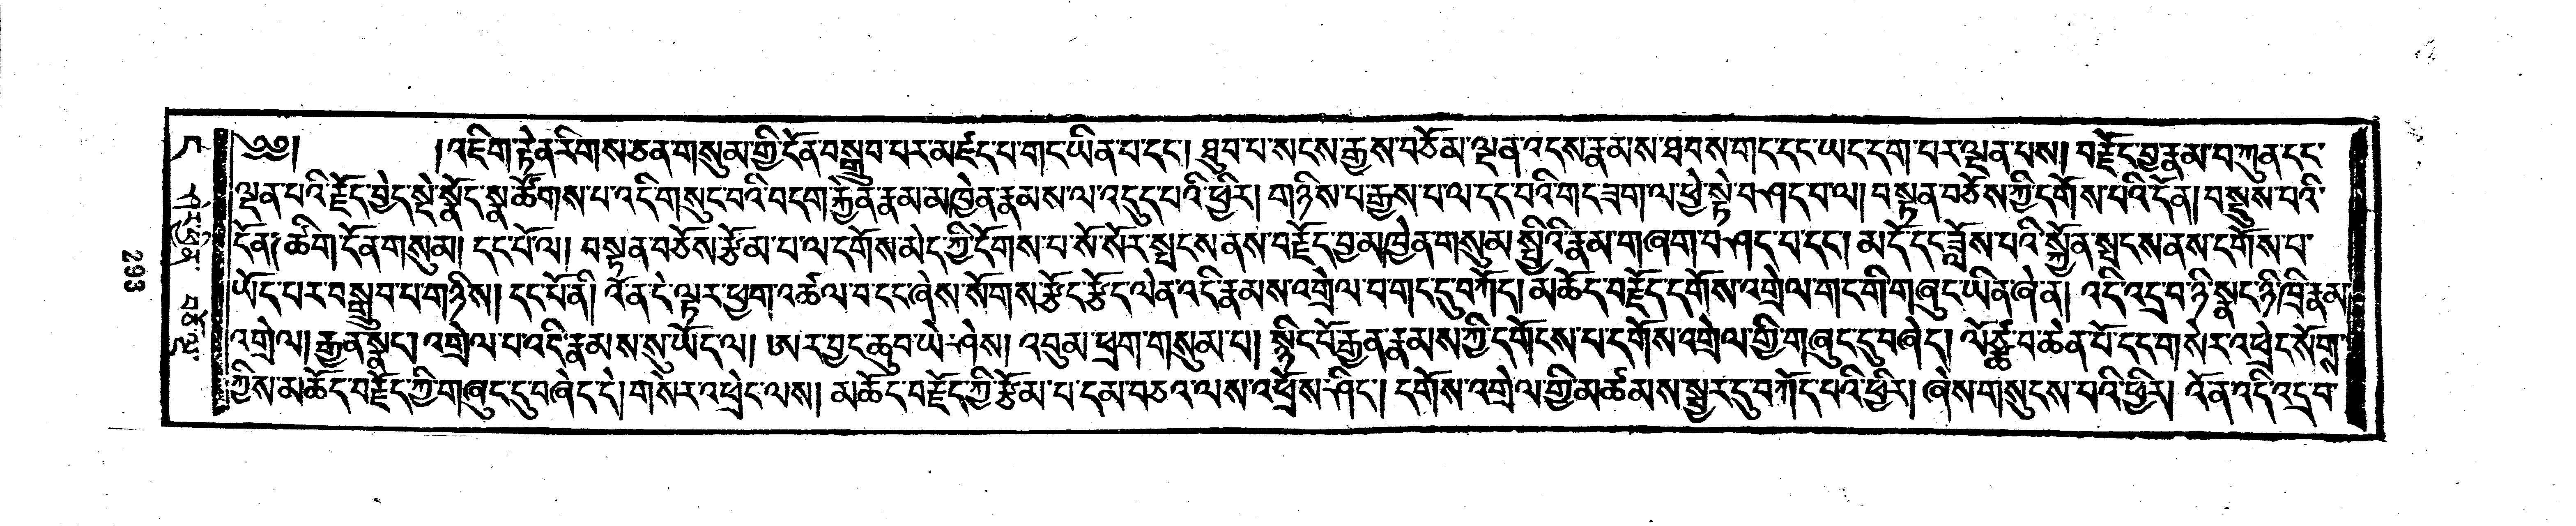༄༅། །འཇིག་རྟེན་རིགས་ཅན་གསུམ་གྱི་དོན་བསྒྲུབ་པར་མཛད་པ་གང་ཡིན་པ་དང་། ཐུབ་པ་སངས་རྒྱས་བཅོམ་ལྡན་འདས་རྣམས་ཐབས་གང་དང་ཡང་དག་པར་ལྡན་པས། བརྗོད་བྱ་རྣམ་པ་ཀུན་དང་
ལྡན་པའི་རྗོད་བྱེད་སྡེ་སྣོད་སྣ་ཚོགས་པ་འདི་གསུང་བའི་བདག་རྐྱེན་རྣམ་མཁྱེན་རྣམས་ལ་འདུད་པའི་ཕྱིར། གཉིས་པ་རྒྱས་པ་ལ་དད་པའི་གང་ཟག་ལ་ཕྱེ་སྟེ་བཤད་པ་ལ། བསྟན་བཅོས་ཀྱི་དགོས་པའི་དོན། བསྡུས་པའི་
དོན། ཚིག་དོན་གསུམ། དང་པོ་ལ། བསྟན་བཅོས་རྩོམ་པ་ལ་དགོས་མེད་ཀྱི་དོགས་པ་སོ་སོར་སྤངས་ནས་བརྗོད་བྱ་མཁྱེན་གསུམ་སྤྱིའི་རྣམ་གཞག་བཤད་པ་དང་། མདོ་དང་ཟློས་པའི་སྐྱོན་སྤངས་ནས་དགོས་པ་
ཡོད་པར་བསྒྲུབ་པ་གཉིས། དང་པོ་ནི། འོ་ན་དེ་ལྟར་ཕྱག་འཚལ་བ་དང་ཞེས་སོགས་རྩོད་རྩོད་ལེན་འདི་རྣམས་འགྲེལ་པ་གང་དུ་བཀོད། མཆོད་བརྗོད་དགོས་འགྲེལ་གང་གི་གཞུང་ཡིན་ཞེ་ན། འདི་འདྲ་བ་ཉི་སྣང་ཉི་ཁྲི་རྣམ་
འགྲེལ། རྒྱན་སྣང་། འགྲེལ་པ་འདི་རྣམས་སུ་ཡོད་ལ། ཨར་བྱང་ཆུབ་ཡེ་ཤེས། འབུམ་ཕྲག་གསུམ་པ། སྙིང་པོ་རྒྱན་རྣམས་ཀྱི་དགོངས་པ་དགོས་འགྲེལ་གྱི་གཞུང་དུ་བཞེད། ལོ་ཙྪ་བ་ཆེན་པོ་དང་གསེར་འཕྲེང་སོགས་
ཀྱིས་མཆོད་བརྗོད་ཀྱི་གཞུང་དུ་བཞེད་དེ། གསེར་འཕྲེང་ལས། མཆོད་བརྗོད་ཀྱི་རྩོམ་པ་དམ་བཅའ་ལས་འཕྲོས་ཤིང་། དགོས་འགྲེལ་གྱི་མཚམས་སྦྱར་དུ་བཀོད་པའི་ཕྱིར། ཞེས་གསུངས་པའི་ཕྱིར། འོ་ན་འདེ་འདྲ་བ་